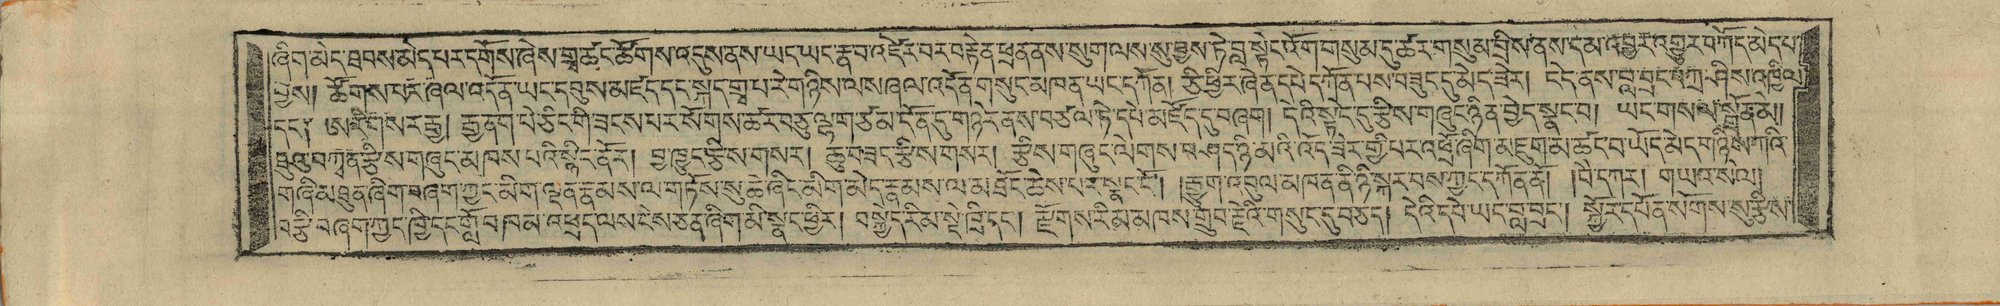ཞིག་མེད་ཐབས་མེད་པར་དགོས་ཞེས་གྲྭ་ཚང་ཚོགས་འདུས་ནས་ཡང་ཡང་རྣ་བ་འཛེར་བར་བརྟེན་ཕྲན་ནས་སུག་ལས་སུ་བྱས་ཏེ་བླ་སྟེང་འོག་གསུམ་དུ་ཚར་གསུམ་བྲིས་ནས་དམ་འབྱར་འགྱུར་བཀོད་མེད་པ་
བྱས༑ ཚོགས་པར་ཞལ་འདོན་ཡང་དབུས་མཛད་དང་སྐད་གྲྭ་པ་རེ་གཉིས་ལས་ཞལ་འདོན་གསུང་མཁན་ཡང་དཀོན། ཅི་ཕྱིར་ཞེ་ན་དཔེ་དཀོན་པས་བཟུང་དུ་མེད་ཟེར། ངེད་ནས་བླ་བྲང་བཀྲ་ཤིས་འཁྱིལ་
དང༑ ཨ་རི་གསར་རྒྱ། རྒྱ་ནག་པེ་ཅིང་གི་ཟངས་པར་སོགས་ཚར་བཅུ་ལྷག་ཙམ་དོན་དུ་གཉེར་ནས་བཙལ་ཏེ་དཔེ་མཛོད་དུ་བཞག །དེའི་སྟེང་དུ་རྩིས་གཞུང་ཉིན་བྱེད་སྣང་བ། ཡང་གསལ་སྒྲོན་མེ།
ཐུའུ་བཀྭན་རྩིས་གཞུང་མཁས་པའི་སྙིང་ནོར། བྱ་ཁྱུང་རྩིས་གསར། ཆུ་བཟང་རྩིས་གསར། རྩིས་གཞུང་ལེགས་བཤད་ཉི་མའི་འོད་ཟེར་གྱི་པར་འཕྲོ་ཞིག་མཇུག་མ་ཚང་བ་ཡོད་མེད་གཉིས་ཀའི་
གཞི་མཐུན་ཞིག་བཞག་ཀྱང་མིག་ལྡན་རྣམས་ལ་གཏོས་སུ་ཆེ་ཞིང་མིག་མེད་རྣམས་ལ་མཐོང་ཆེས་པར་སྣང་ངོ། །རྒྱུག་འབུལ་མཁན་ནི་ཉི་སྐར་བས་ཀྱང་དཀོན་ནོ། །བཻ་དཀར། གཡའ་སེལ།
བརྩི་བཞག་ཀྱང་ཁྱི་དང་གློ་བ་ཁམ་འཕྲད་ལས་ངེས་ཅན་ཞིག་མི་སྣང་ཕྱིར། བསྐྱེད་རིམ་སྡེ་ཁྲི་དང་། རྫོགས་རིམ་མཁས་གྲུབ་རྗེའི་གསུང་དུ་བཅད། དེའི་དཔེ་ཡང་བླ་བྲང་། སྐྱོར་དཔོན་སོགས་སུ་རྩིས་